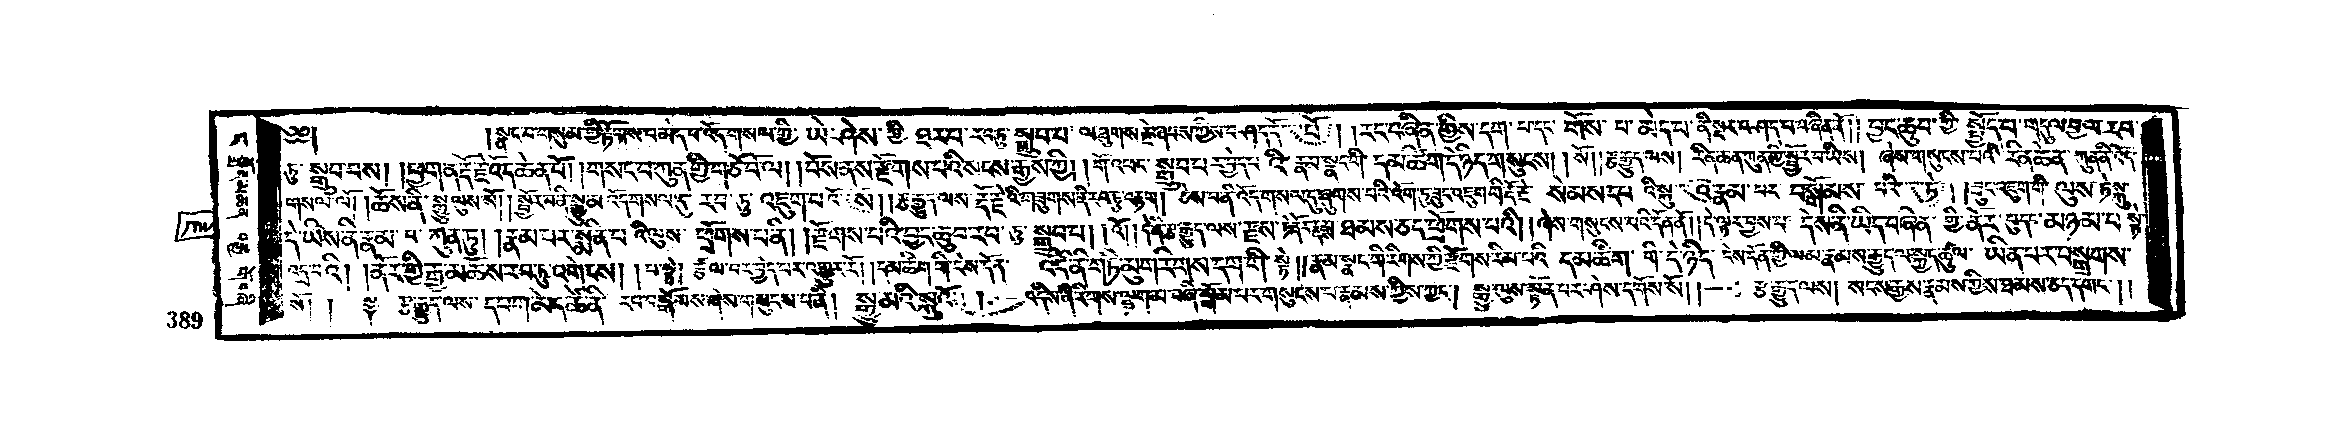༄༅། །སྣང་བ་གསུམ་གྱི་རྟོགས་པ་མེད་པ་འོད་གསལ་གྱི་ཡེ་ཤེས་ཀྱི་ཐར་པ་རབ་ཏུ་སྒྲུབ་པ་ལ་ཐུགས་རྗེ་ཞབས་ཀྱིས་བཤད་དོ་པོ། །རང་བཞིན་གྱིས་དག་པ་དང་གོས་པ་མེད་པ་ནི་སྔར་བཤད་པ་བཞིན་ནོ།  །བྱང་ཆུབ་ཀྱི་སྤྱོད་པ་གདུལ་བྱ་ལ་རབ་
ཏུ་སྒྲུབ་པས། །ཕྱག་ན་རྡོ་རྗེ་འོད་ཆེན་པོ། །གསང་བ་ཀུན་གྱི་གཙོ་བོ་ལ། །བོས་ནས་རྫོགས་པའི་སངས་རྒྱས་ཀྱི། །གོ་འཕང་སྒྲུབ་པར་བྱེད་པའི་རྣམ་སྣང་གི་དམ་ཚིག་དེ་ཉིད་གསུངས། །སོ། །རྩ་རྒྱུད་ལས། རིན་ཆེན་ཀུན་གྱི་སྦྱོར་བ་ཡིས། ཞེས་གསུངས་པའི་རིན་ཆེན་ཀུན་ནི་འོད་
གསལ་ལོ། །ཆོས་ནི་སྒྱུ་ལུས་སོ། །སྦྱོར་བ་ནི་སྒྱུ་མ་འོད་གསལ་དུ་རབ་ཏུ་འཇུག་པའོ་སོ། །རྩ་རྒྱུད་ལས་རྡོ་རྗེའི་གཟུགས་ནི་རབ་ཏུ་བརྟག །ཅེས་པ་ནི་འོད་གསལ་དུ་ཞུགས་པའི་འོག་ཏུ་ཟུང་འཇུག་གི་རྡོ་རྗེ་སེམས་དཔའི་སྐུ་འི་རྣམ་པར་བསྒོམས་པའི་ཏེ། །ཟུང་འཇུག་གི་ལུས་ཏེ་སྐུ
དེ་ཡིས་ནི་རྣམ་པ་ཀུན་ཏུ། །རྣམ་པར་སྨིན་པའི་ལུས་ཕྲོགས་པ་ནི། །རྫོགས་པའི་བྱང་ཆུབ་རབ་ཏུ་སྒྲུབ་པ། ། འོ། །དེ་ནི་རྩ་རྒྱུད་ལས་རྫས་ཏེ་ནོར་རྣམས་ཐམས་ཅད་ཕྲོགས་པའོ། །ཞེས་གསུངས་པའི་དོན་ནོ། །དེ་ལྟར་བྱས་པ་དེས་ནི་ཡིད་བཞིན་གྱི་ནོར་བུ་དང་མཉམ་པ་སྟེ་
འདྲ་བའི། །ནོར་གྱི་རྒྱ་མཆོས་རབ་ཏུ་འགེངས། །པ་སྟེ། རྩོལ་བར་བྱེད་པར་འགྱུར་རོ། །དམ་ཚིག་གི་ངེས་དོན་འདི་ནི་གཏི་མུག་རིགས་དག་གི་སྟེ། །རྣམ་སྣང་གི་རིགས་ཀྱི་རྫོགས་རིམ་པའི་དམ་ཚིག་གི་དེ་ཉིད་ངེས་དོན་གྱི་ལམ་རྣམས་རྒྱུད་ལ་སྐྱེད་ཚུལ་ཡིན་པར་བསྒྲགས་
སོ། །༈ རྩ་རྒྱུད་ལས་དཔག་མེད་ཚེ་ནི་རབ་བསྒོམས་ཞེས་གསུངས་པ་ནི།  སྒྱུ་མའི་སྐུའོ།། འདིས་ནི་རིགས་ལྷག་མ་བཞི་སྒོམ་པར་གསུངས་པ་རྣམས་ཀྱིས་ཀྱང་། སྒྱུ་ལུས་སྟོན་པར་ཤེས་དགོས་སོ།། H.་རྩ་རྒྱུད་ལས། སངས་རྒྱས་རྣམས་ཀྱིས་ཐམས་ཅད་དགང།།